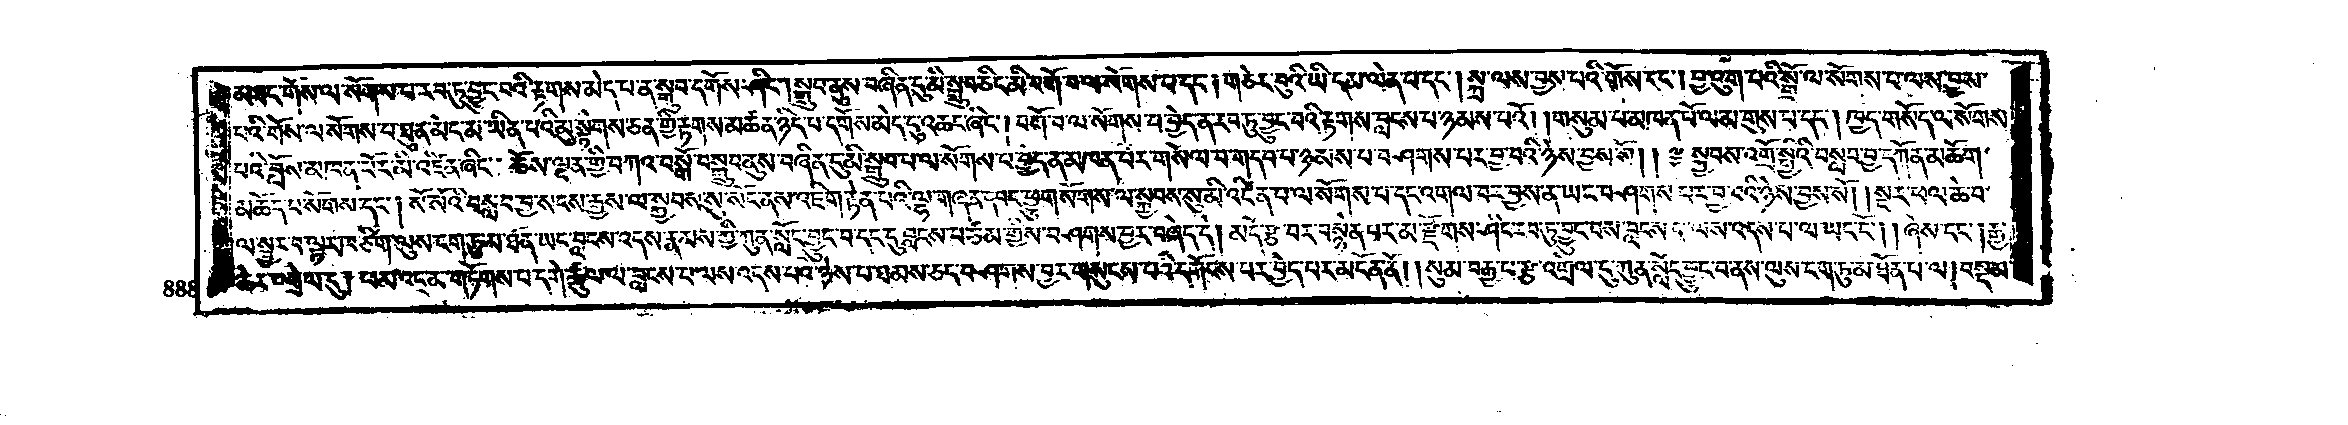མཐང་གོས་ལ་སོགས་པ་རབ་ཏུ་བྱུང་བའི་རྟགས་མེད་པ་ན་སྒྲུབ་དགོས་ཤིང་། སྒྲུབ་ནུས་བཞིན་དུ་མི་སྒྲུབ་ཅིང་མི་བགོ་བ་ལ་སོགས་པ་དང་། གཅེར་བུའི་ཡི་དམ་ལེན་པ་དང་། སྐྲ་ལས་བྱས་པའི་གོས་དང་། བྱ་འུག་པའི་སྒྲོ་ལ་སོགས་པ་ལས་བྱས་
པའི་གོས་ལ་སོགས་པ་ཐུན་མོང་མ་ཡིན་པའི་མུ་སྟེགས་ཅན་གྱི་རྟགས་མཚན་ཉིད་པ་དགོས་མེད་དུ་འཆང་ཞིང་། བགོ་བ་ལ་སོགས་པ་བྱེད་ན་རབ་ཏུ་བྱུང་བའི་རྟགས་བླངས་པ་ཉམས་པའོ། །གསུམ་པ་མཁན་པོ་ལ་མ་གུས་པ་དང་། ཁྱད་གསོད་ལ་སོགས་
པའི་བློས་མཁན་པོར་མི་འཛིན་ཞིང་ཆོས་ལྡན་གྱི་བཀའ་བསྒོ་བསྒྲུབ་ནུས་བཞིན་དུ་མི་སྒྲུབ་པ་ལ་སོགས་པ་བྱེད་ན་མཁན་པོར་གསོལ་བ་གདབ་པ་ཉམས་པ་བཤགས་པར་བྱ་བའི་ཉེས་བྱས་སོ།། ༈ སྐྱབས་འགྲོ་སྤྱིའི་བསླབ་བྱ་དཀོན་མཆོག་
མཆོད་པ་སོགས་དང་། སོ་སོའི་བསླབ་བྱ་སངས་རྒྱས་ལ་སྐྱབས་སུ་སོང་ནས་འཇིག་རྟེན་པའི་ལྷ་གཞན་དབང་ཕྱུག་སོགས་ལ་སྐྱབས་སུ་མི་འཛིན་པ་ལ་སོགས་པ་དང་འགལ་བར་བྱས་ན་ཡང་བཤགས་པར་བྱ་བའི་ཉེས་བྱས་སོ། །སྔར་ཕལ་ཆེ་བ་
ལ་སྦྱར་བ་ལྟར་ཁ་ཅིག་ལུས་ངག་ཏུ་མ་ཐོན་ཡང་བླངས་འདས་རྣམས་ཀྱི་ཀུན་སློང་བྱུང་བ་དང་དུ་བླངས་པ་ཙམ་གྱིས་བཤགས་བྱར་བཞེད་དེ། མདོ་རྩ་བར་བསྙེན་པར་མ་རྫོགས་ཤིང་རབ་ཏུ་བྱུང་བས་བླངས་པ་ལས་འདས་པ་ལ་ཡང་ངོ། །ཞེས་དང་། རྒྱ་
ཆེར་འགྲེལ་དུ། ཕམ་འདྲ་མ་གཏོགས་པ་དགེ་ཚུལ་ལ་བླངས་པ་ལས་འདས་པའི་ཉེས་པ་ཐམས་ཅད་བཤགས་བྱར་གསུངས་པའི་དགོངས་པར་བྱེད་པར་མངོན་ནོ། །སུམ་བརྒྱ་པ་རྩ་འགྲེལ་དུ་ཀུན་སློང་བྱུང་བ་ནས་ལུས་ངག་ཏུ་མ་ཐོན་པ་ལ། བསྡམ་